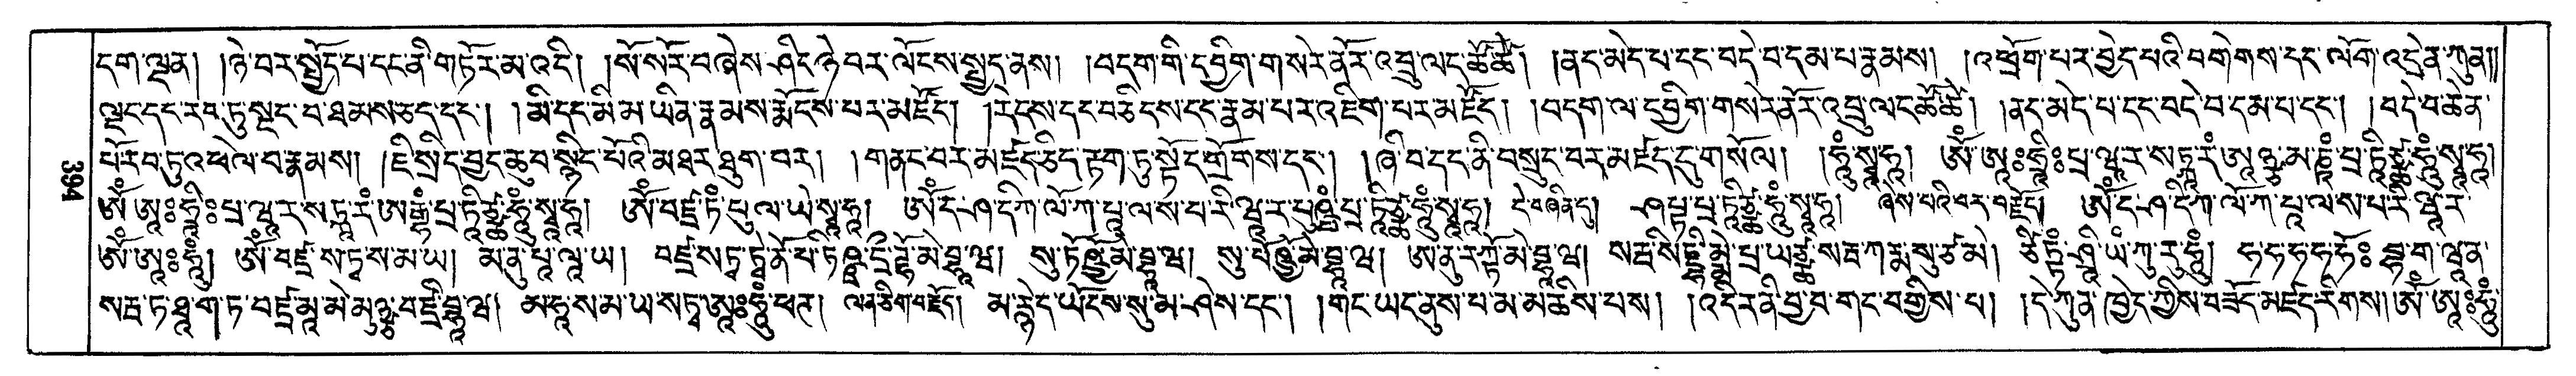དག་ལྡན། །ཉེ་བར་སྤྱོད་པ་དང་ནི་གཏོར་མ་འདི། །སོ་སོར་བཞེས་ཤིང་ཉེ་བར་ལོངས་སྤྱད་ནས། །བདག་གི་དཔྱིག་གསེར་ནོར་འབྲུ་ལང་ཚོ་ཚེ། །ནད་མེད་པ་དང་བདེ་བ་དམ་པ་རྣམས། །འཕྲོག་པར་བྱེད་པའི་བགེགས་དང་ལོག་འདྲེན་ཀུན།
སྡང་དང་རབ་ཏུ་སྡང་བ་ཐམས་ཅད་དང་། །མི་དང་མི་མ་ཡིན་རྣམས་རྨོངས་པར་མཛོད། །རེངས་དང་བཅིངས་དང་རྣམ་པར་འཇིག་པར་མཛོད། །བདག་ལ་དབྱིག་གསེར་ནོར་འྤྲུ་ལང་ཚོ་ཚེ། །ནད་མེད་པ་དང་བདེ་བ་དམ་པ་དང་། །བདེ་བ་ཆེན་
པོ་རབ་ཏུ་འཕེལ་བ་རྣམས། །ཇི་སྲིད་བྱང་ཆུབ་སྙིང་པོའི་མཐར་ཐུག་པར། །གནང་བར་མཛད་ཅིང་རྟག་ཏུ་སྟོང་གྲོགས་དང་། །ཞི་བ་དང་ནི་བསྲུང་བར་མཛད་དུ་གསོལ། །ཧཱུཾ་སྭཱ་ཧཱ། ཨོཾ་ཨཱཿ ཧྲཱིཿ པྲ་ཝ་ར་སཏྐཱ་རཾ་ཨཱ་ཉྩ་མ་ཎཱཾ་པྲ་ཏཱི་ཙྪ་ཧཱུཾ་སྭཱ་ཧཱ།
ཨོཾ་ཨཱཿ ཧྲཱིཿ པྲ་ཝ་ར་ས་ཏྐཱ་རཾ་ཨརྒྷཾ་པྲ་ཏཱི་ཙྪ་ཧཱུཾ་སྭཱ་ཧཱ། ཨོཾ་བཛྲ་ཏཾ་པུ་ལ་ཡེ་སྭཱ་ཧཱ། ཨོཾ་ད་ཤ་དི་ཀ་ལོ་ཀ་པཱ་ལ་ས་པ་རི་ཝཱ་ར་པུ་ཥྤཾ་པྲ་ཏཱི་ཙྪ་ཧཱུཾ་སྭཱ་ཧཱ། དེ་བཞིན་དུ། ཤ་པྟ་པྲ་ཏཱི་ཙྪ་ཧཱུཾ་སྭཱ་ཧཱ། ཞེས་པའི་བར་བརྗོད། ཨོཾ་ད་ཤི་དཾ་ཀ་ལ་ཀ་པཱ་ལ་ས་པ་རི་ཝཱ་ར་
ཨོཾ་ཨཱཿ ཧཱུཾ། ཨོཾ་བཛྲ་ས་ཏྲ་ས་མ་ཡ། མ་ནུ་པཱ་ལཱ་ཡ། བཛྲ་ས་ཏྭ་ཏྭེ་ནོ་པ་ཏི་ཥཊཿཨ་དྲྀ་ཌྷོ་མེ་བྷ་ཝ། སུ་ཏོ་ཥྱོ་མེ་བྷཱ་ཝ། སུ་པོ་ཥྱོ་མེ་བྷཱ་ཝ། ཨ་ནུ་ར་ཀྟོ་མེ་བྷཱ་ཝ། སརྦ་སིདྡྷི་མྨེ་པྲ་ཡ་ཙྪ་སརྦ་ཀརྨ་སུ་ཙ་མེ། ཙིཏྟཾ་ཤྲཱི་ཡཾ་ཀུ་རུ་ཧཱུཾ། ཧ་ཧ་ཧ་ཧ་ཧོཿ བྷ་ག་ཝཱ་ན་
སརྦ་ཏ་ཐཱ་ག་ཏ་བཛྲ་མཱ་མེ་མུ་ཉྩ་བཛྲི་བྷཱ་ཝ། མ་ཧཱ་ས་མ་ཡ་སཏྭ་ཨཱཿ ཧཱུཾ་ཕཊ། ལན་ཅིག་བརྗོད། མར་ཉེད་ཡོངས་སུ་མ་ཤེས་དང་། །གང་ཡང་ནུས་པ་མ་མཆིས་པས། །འདིར་ནི་བྱ་བ་གང་བགྱིས་པ། །དེ་ཀུན་ཁྱེད་ཀྱིས་བཟོད་མཛད་རིགས། ཨོཾ་ཨཱཿ ཧཱུཾ་